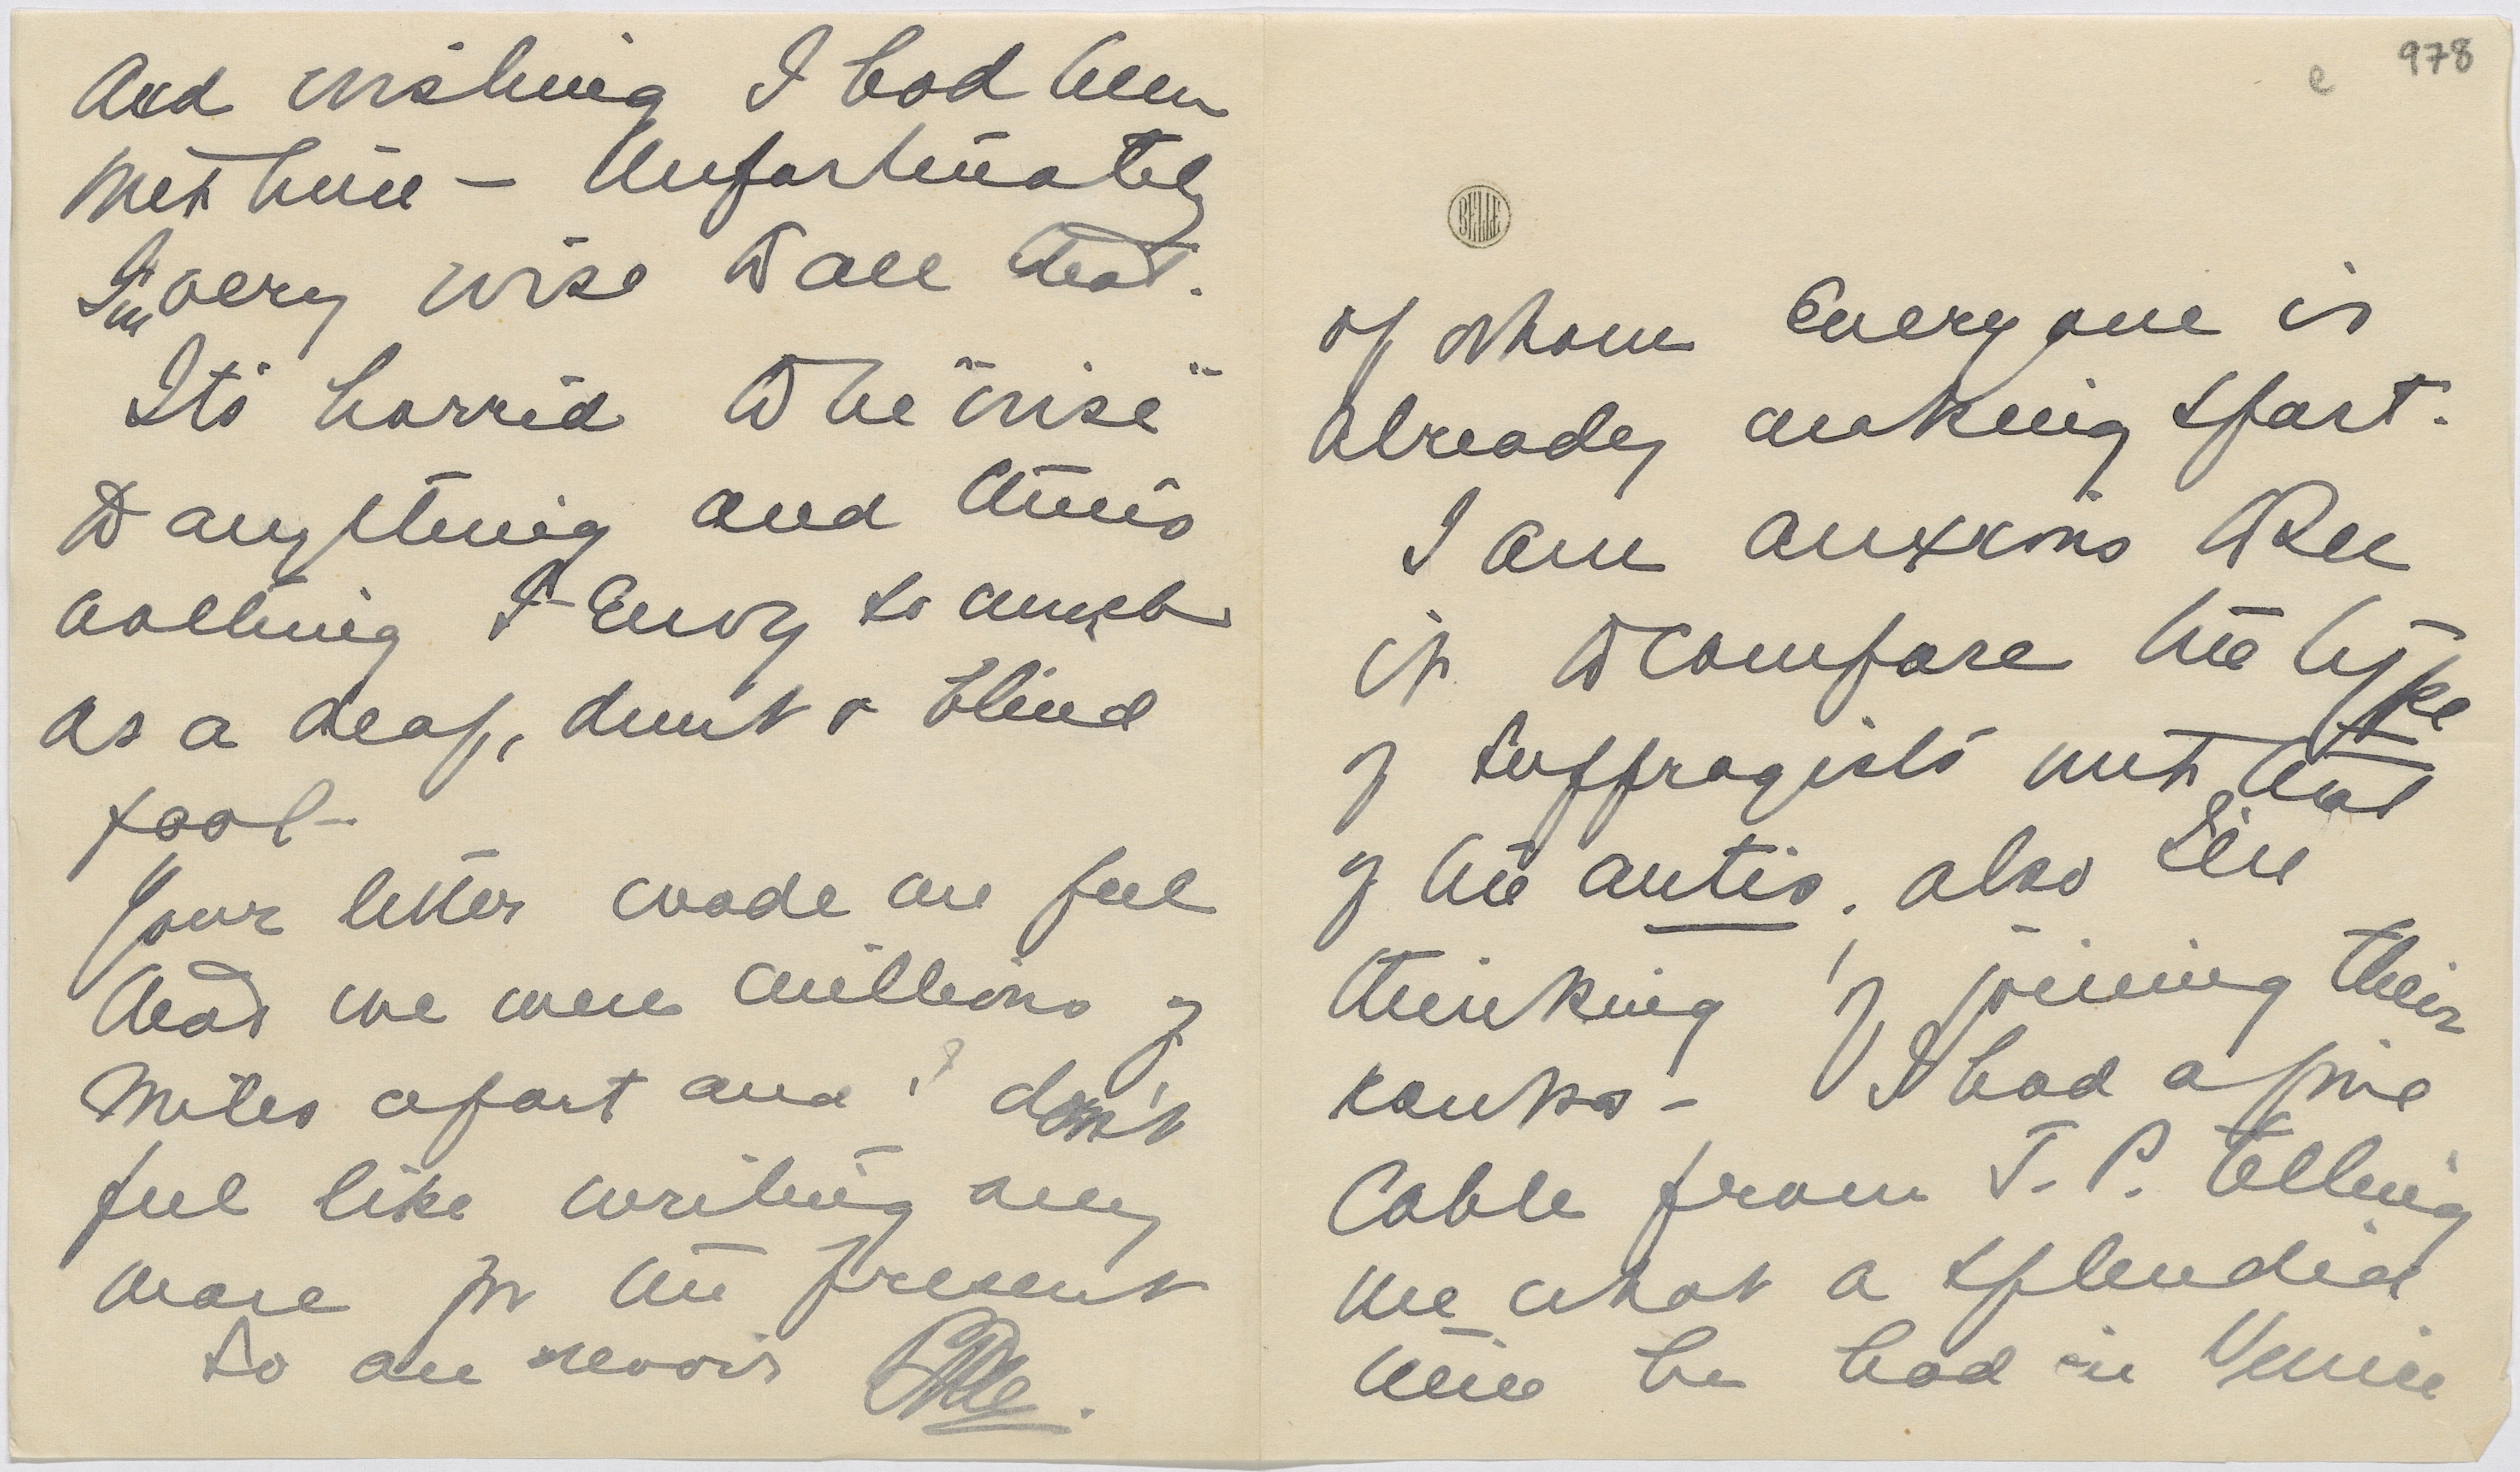of whom everyone is already making sport.
I am anxious to see it compare the type of suffragists with that of the antis. also I’m thinking of joining their ranks – I had a fine cable from J. P. telling me what a splendid time he had in Venice
and wishing I had been with him – Unfortunately I’m very wise to all that.
It’s horrid to be “wise” to anything and there’s nothing I envy so much as a deaf, dumb & blind fool –
Your letter made me feel that we were millions of miles apart and I don’t feel like writing any more for the present
so au revoir Belle.